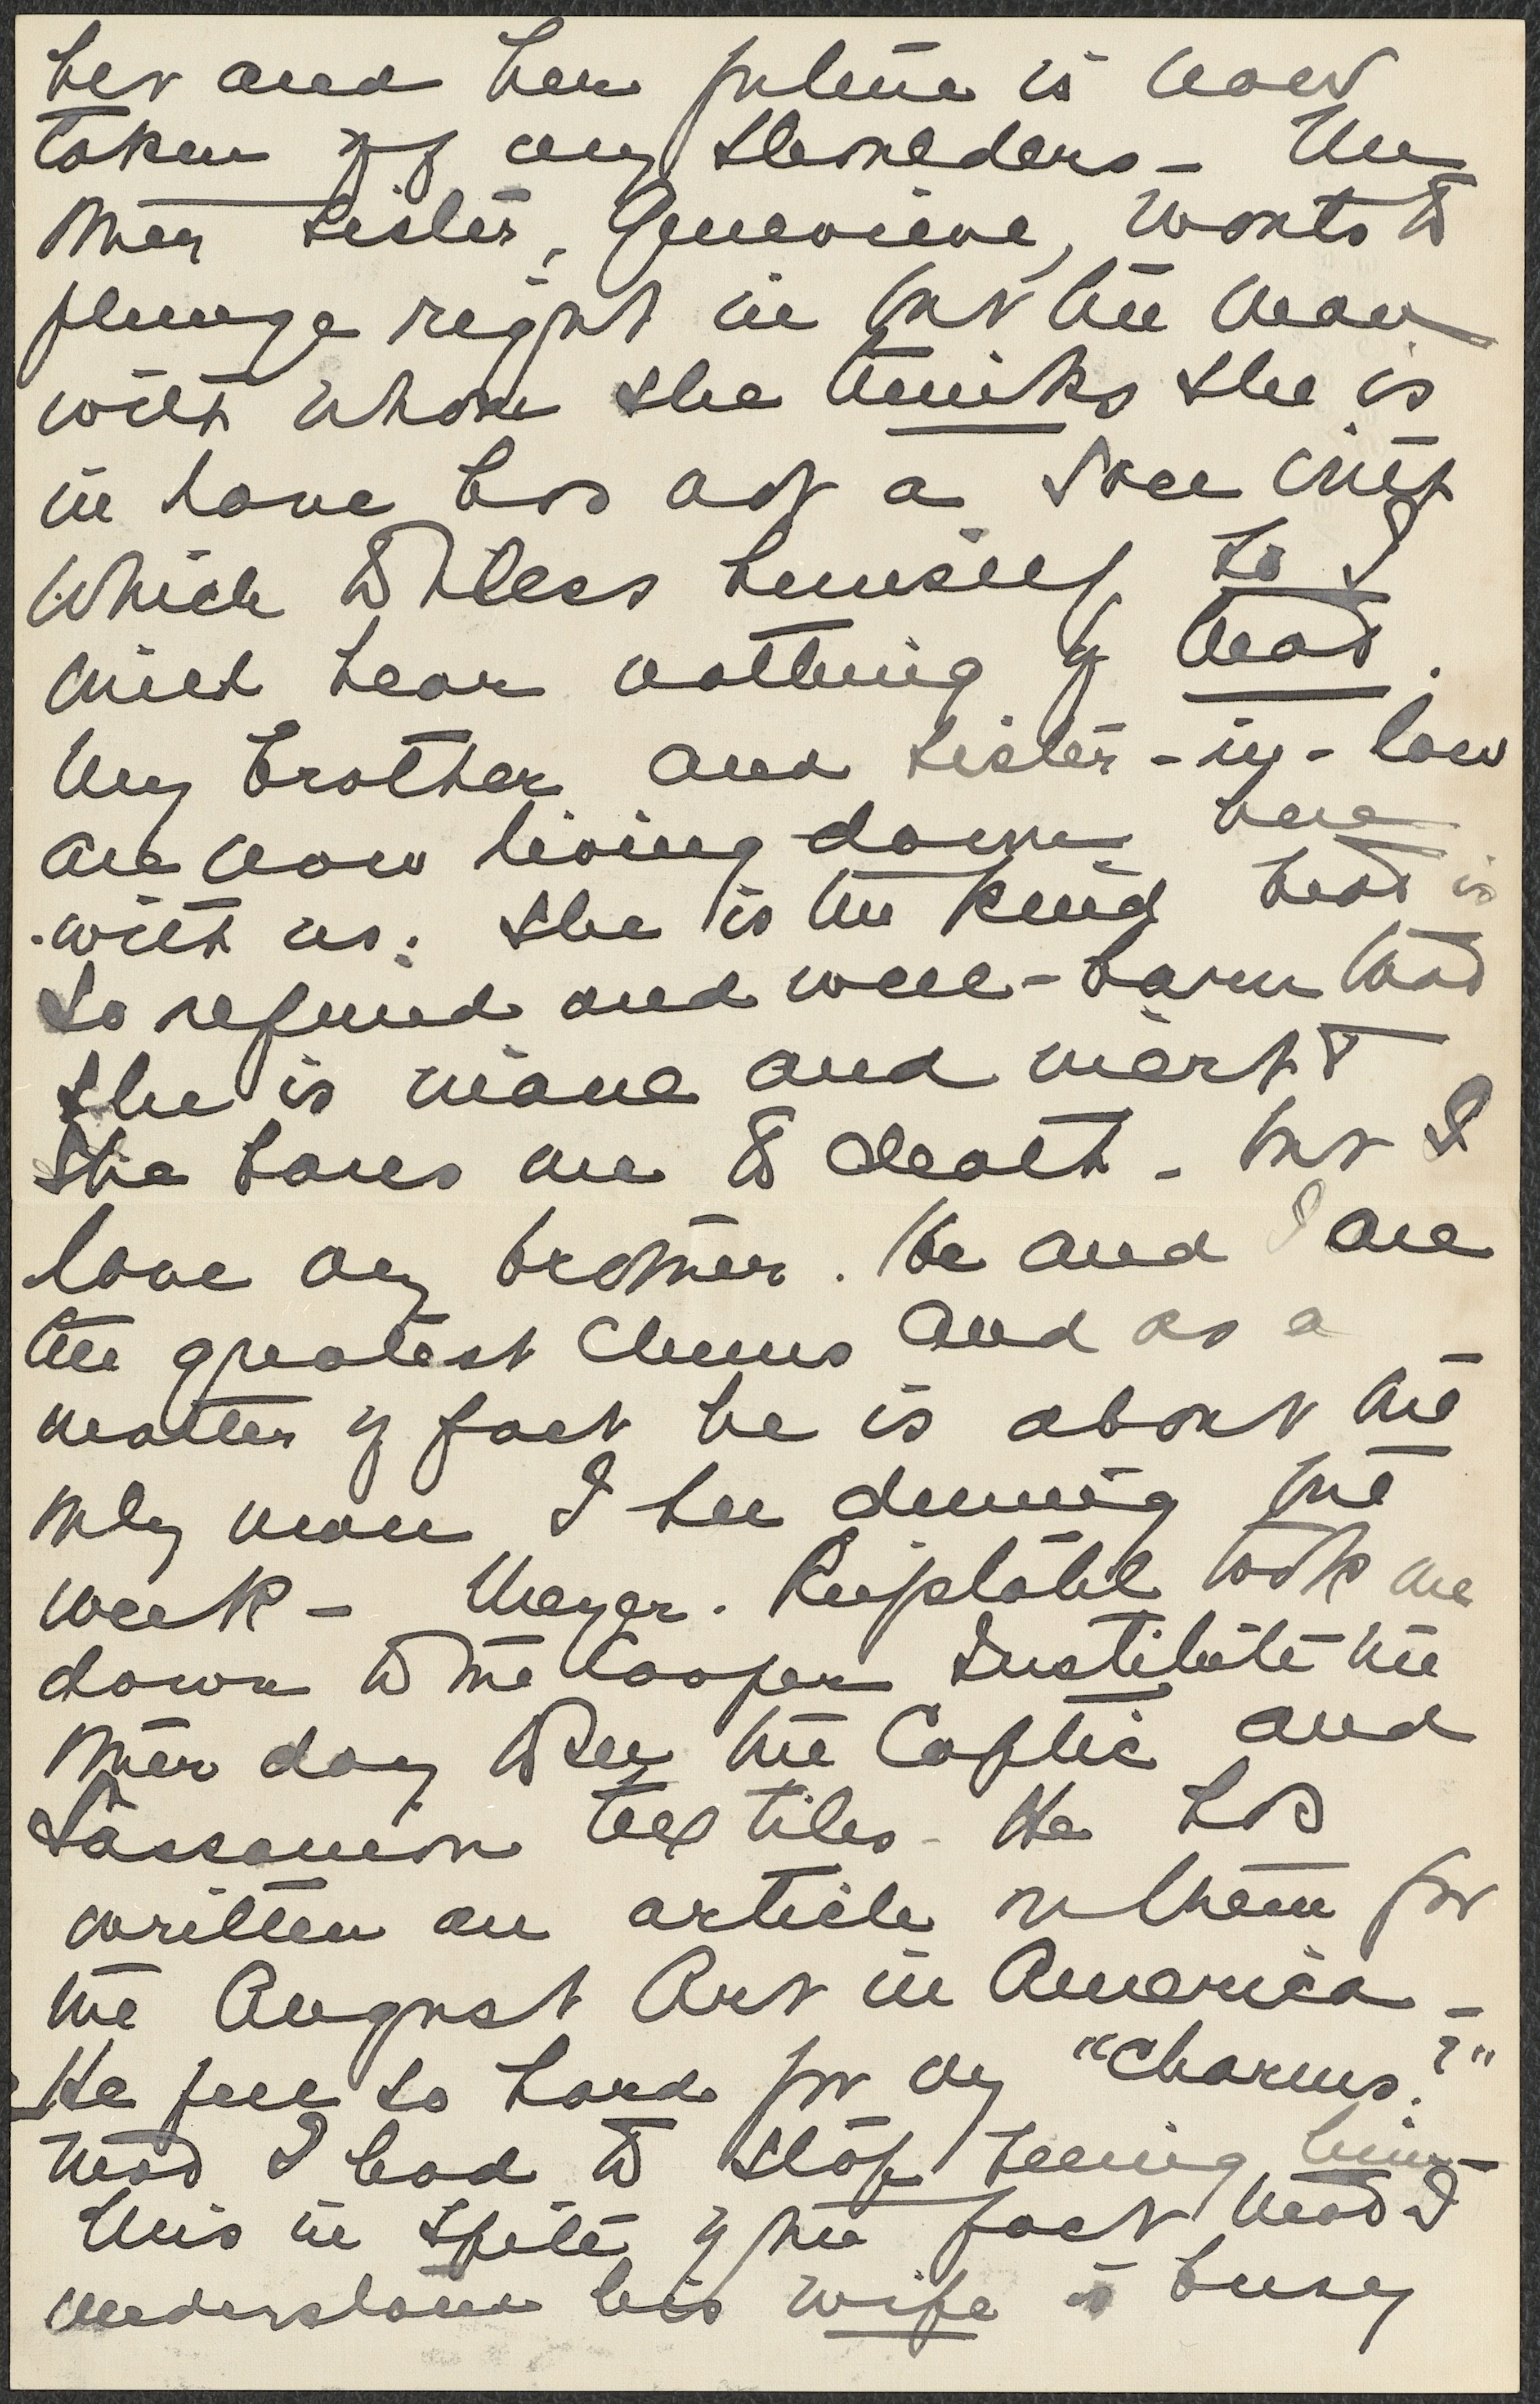her and her future is now taken off my shoulders – the other sister, Genevieve, wants to plunge right in but the man with whom she thinks she is in love has not a sou with which to bless himself so I will hear nothing of that. My brother and sister-in-law are now living down here with us: she is the kind that is so refined and well-born that she is inane and inert & she loves me to death – but I love my brother. He and I are the greatest chums and as a matter of fact he is about the only man I see during the week – Meyer-Riefstahl took me down to the Cooper Institute the other day to see the Coptic and Sassanian [sic] textiles – He has written an article on them for the August Art in America – He fell so hard for my “charms?” that I had to stop seeing him – this in spite of the fact that I understand his wife is busy